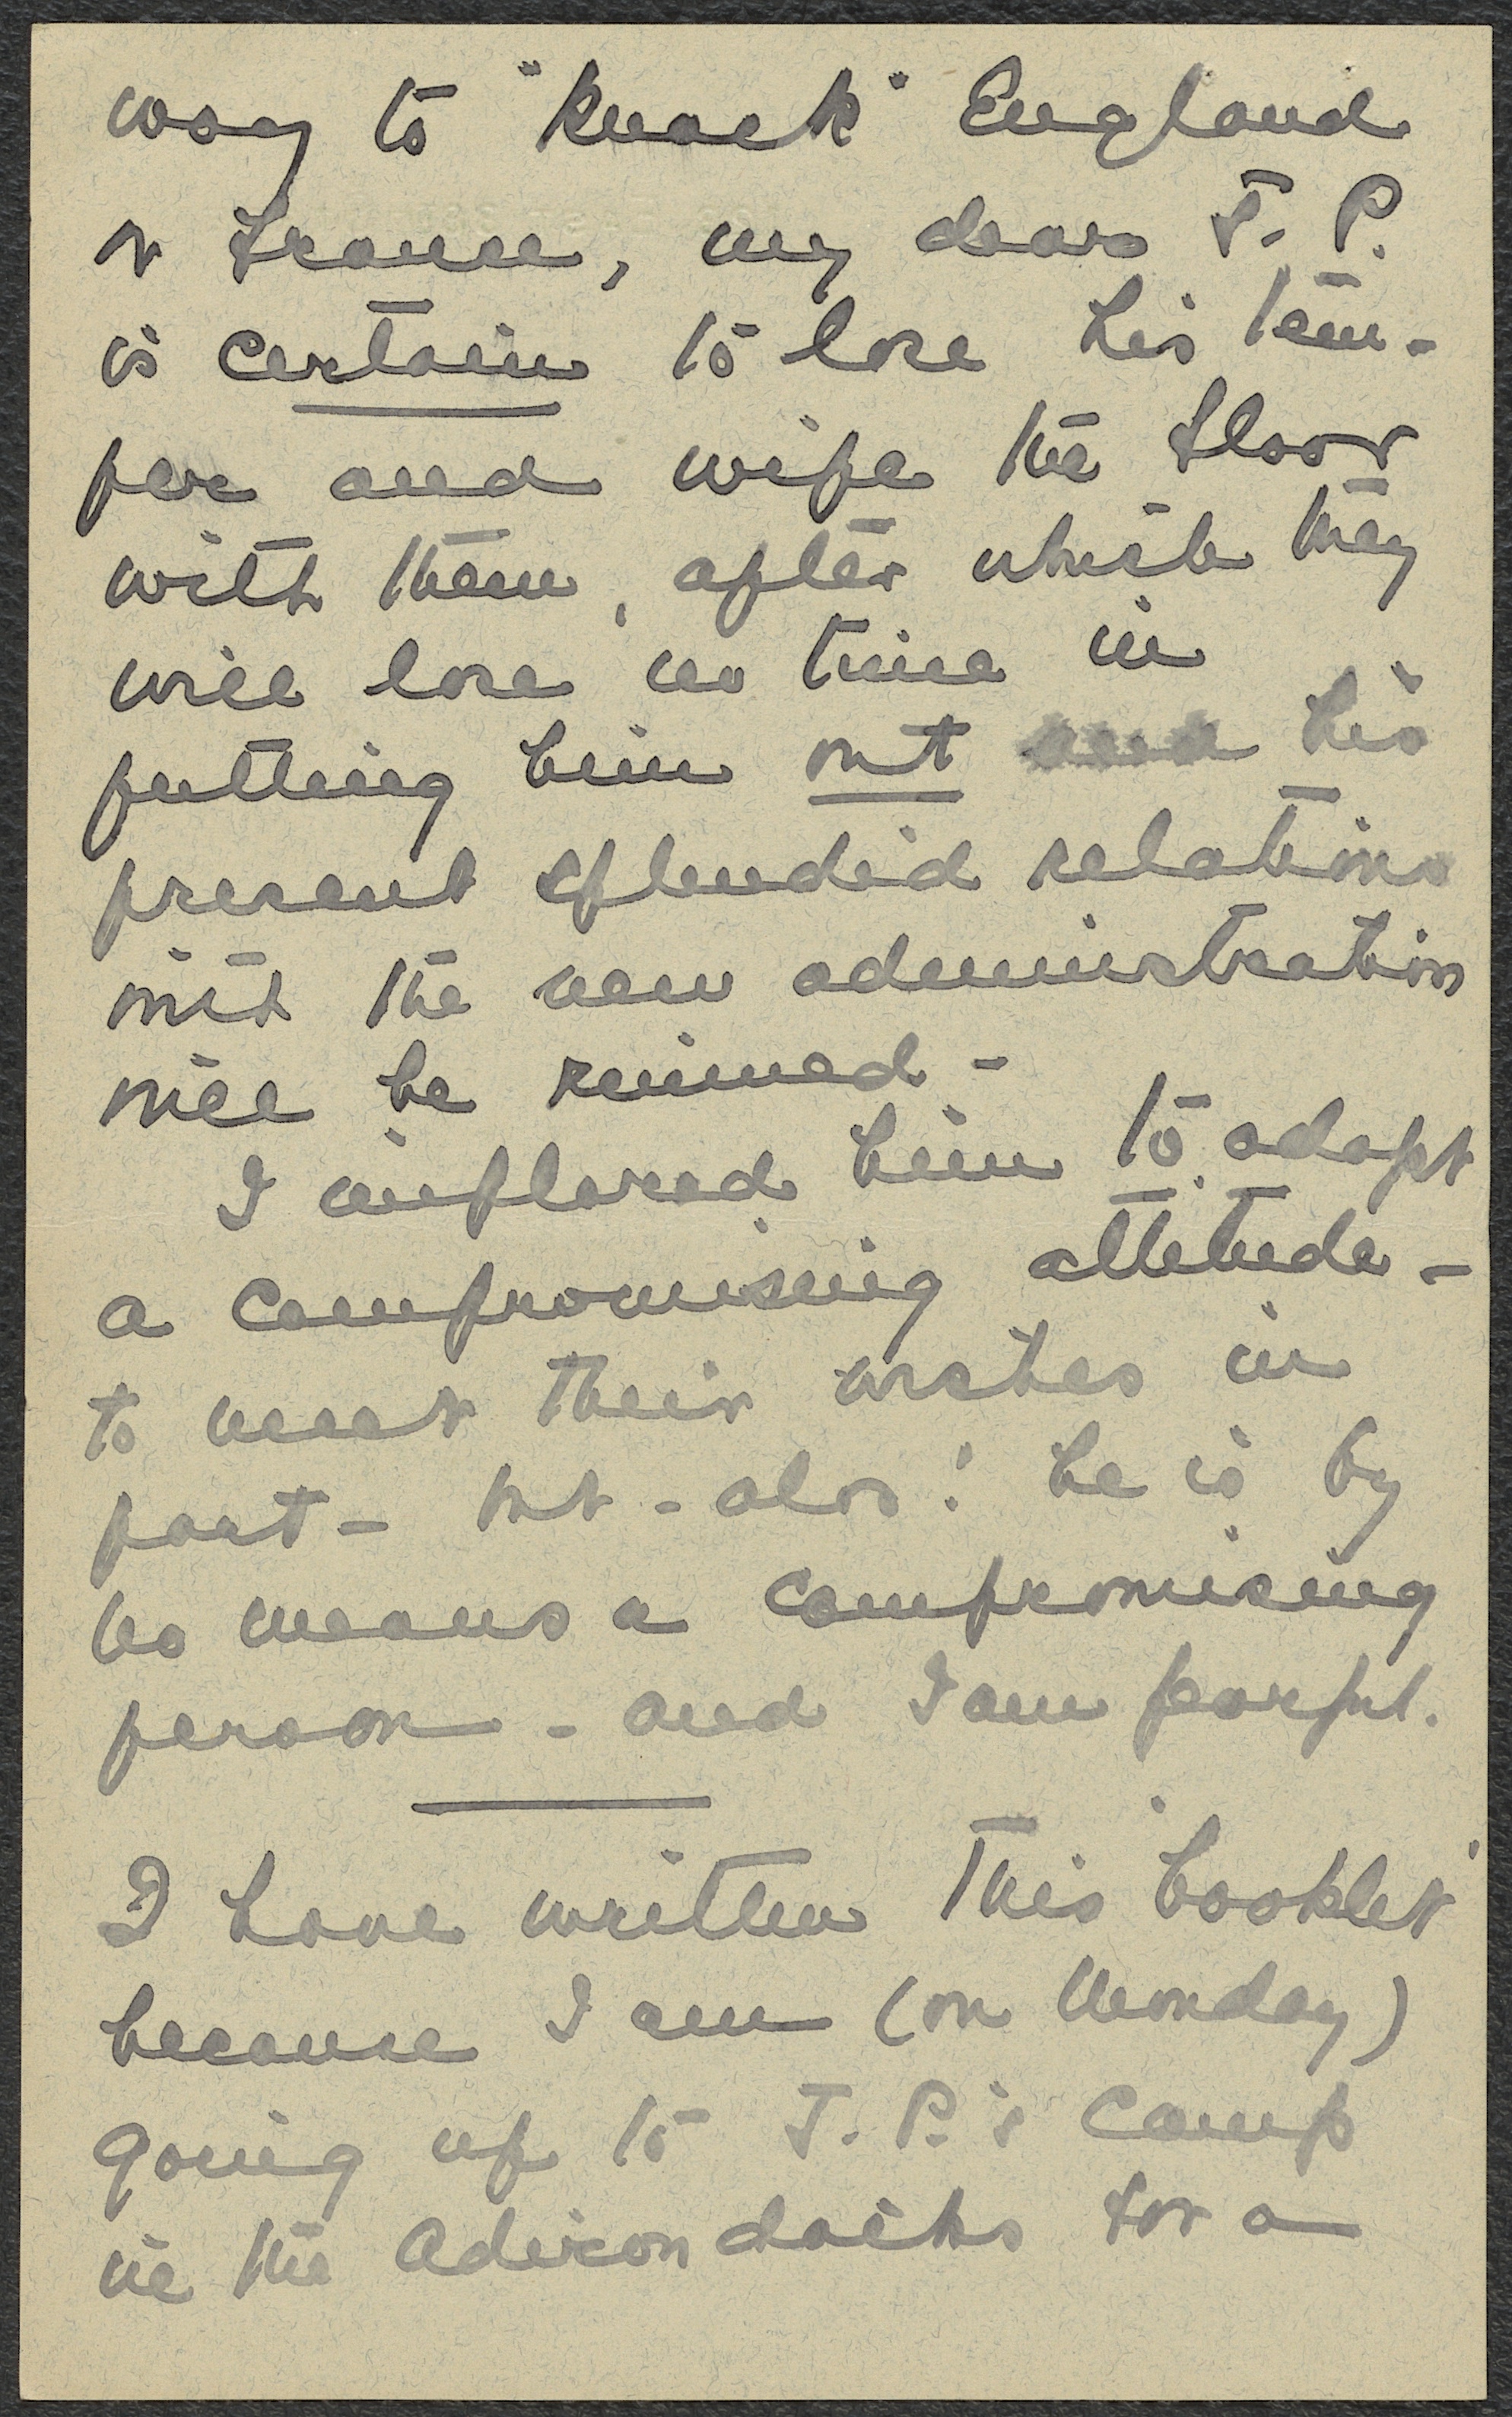way to “knock” England or France, my dear J. P. is certain to lose his temper and wipe the floor with them, after which they will lose no time in putting him out and his present splendid relations with the new administration will be ruined –
I implored him to adopt a compromising attitude – to meet their wishes in part – but – alas! he is by no means a compromising person – and I am fearful.
I have written this ‘booklet’ because I am (on Monday) going up to J. P.’s camp in the Adirondacks for a